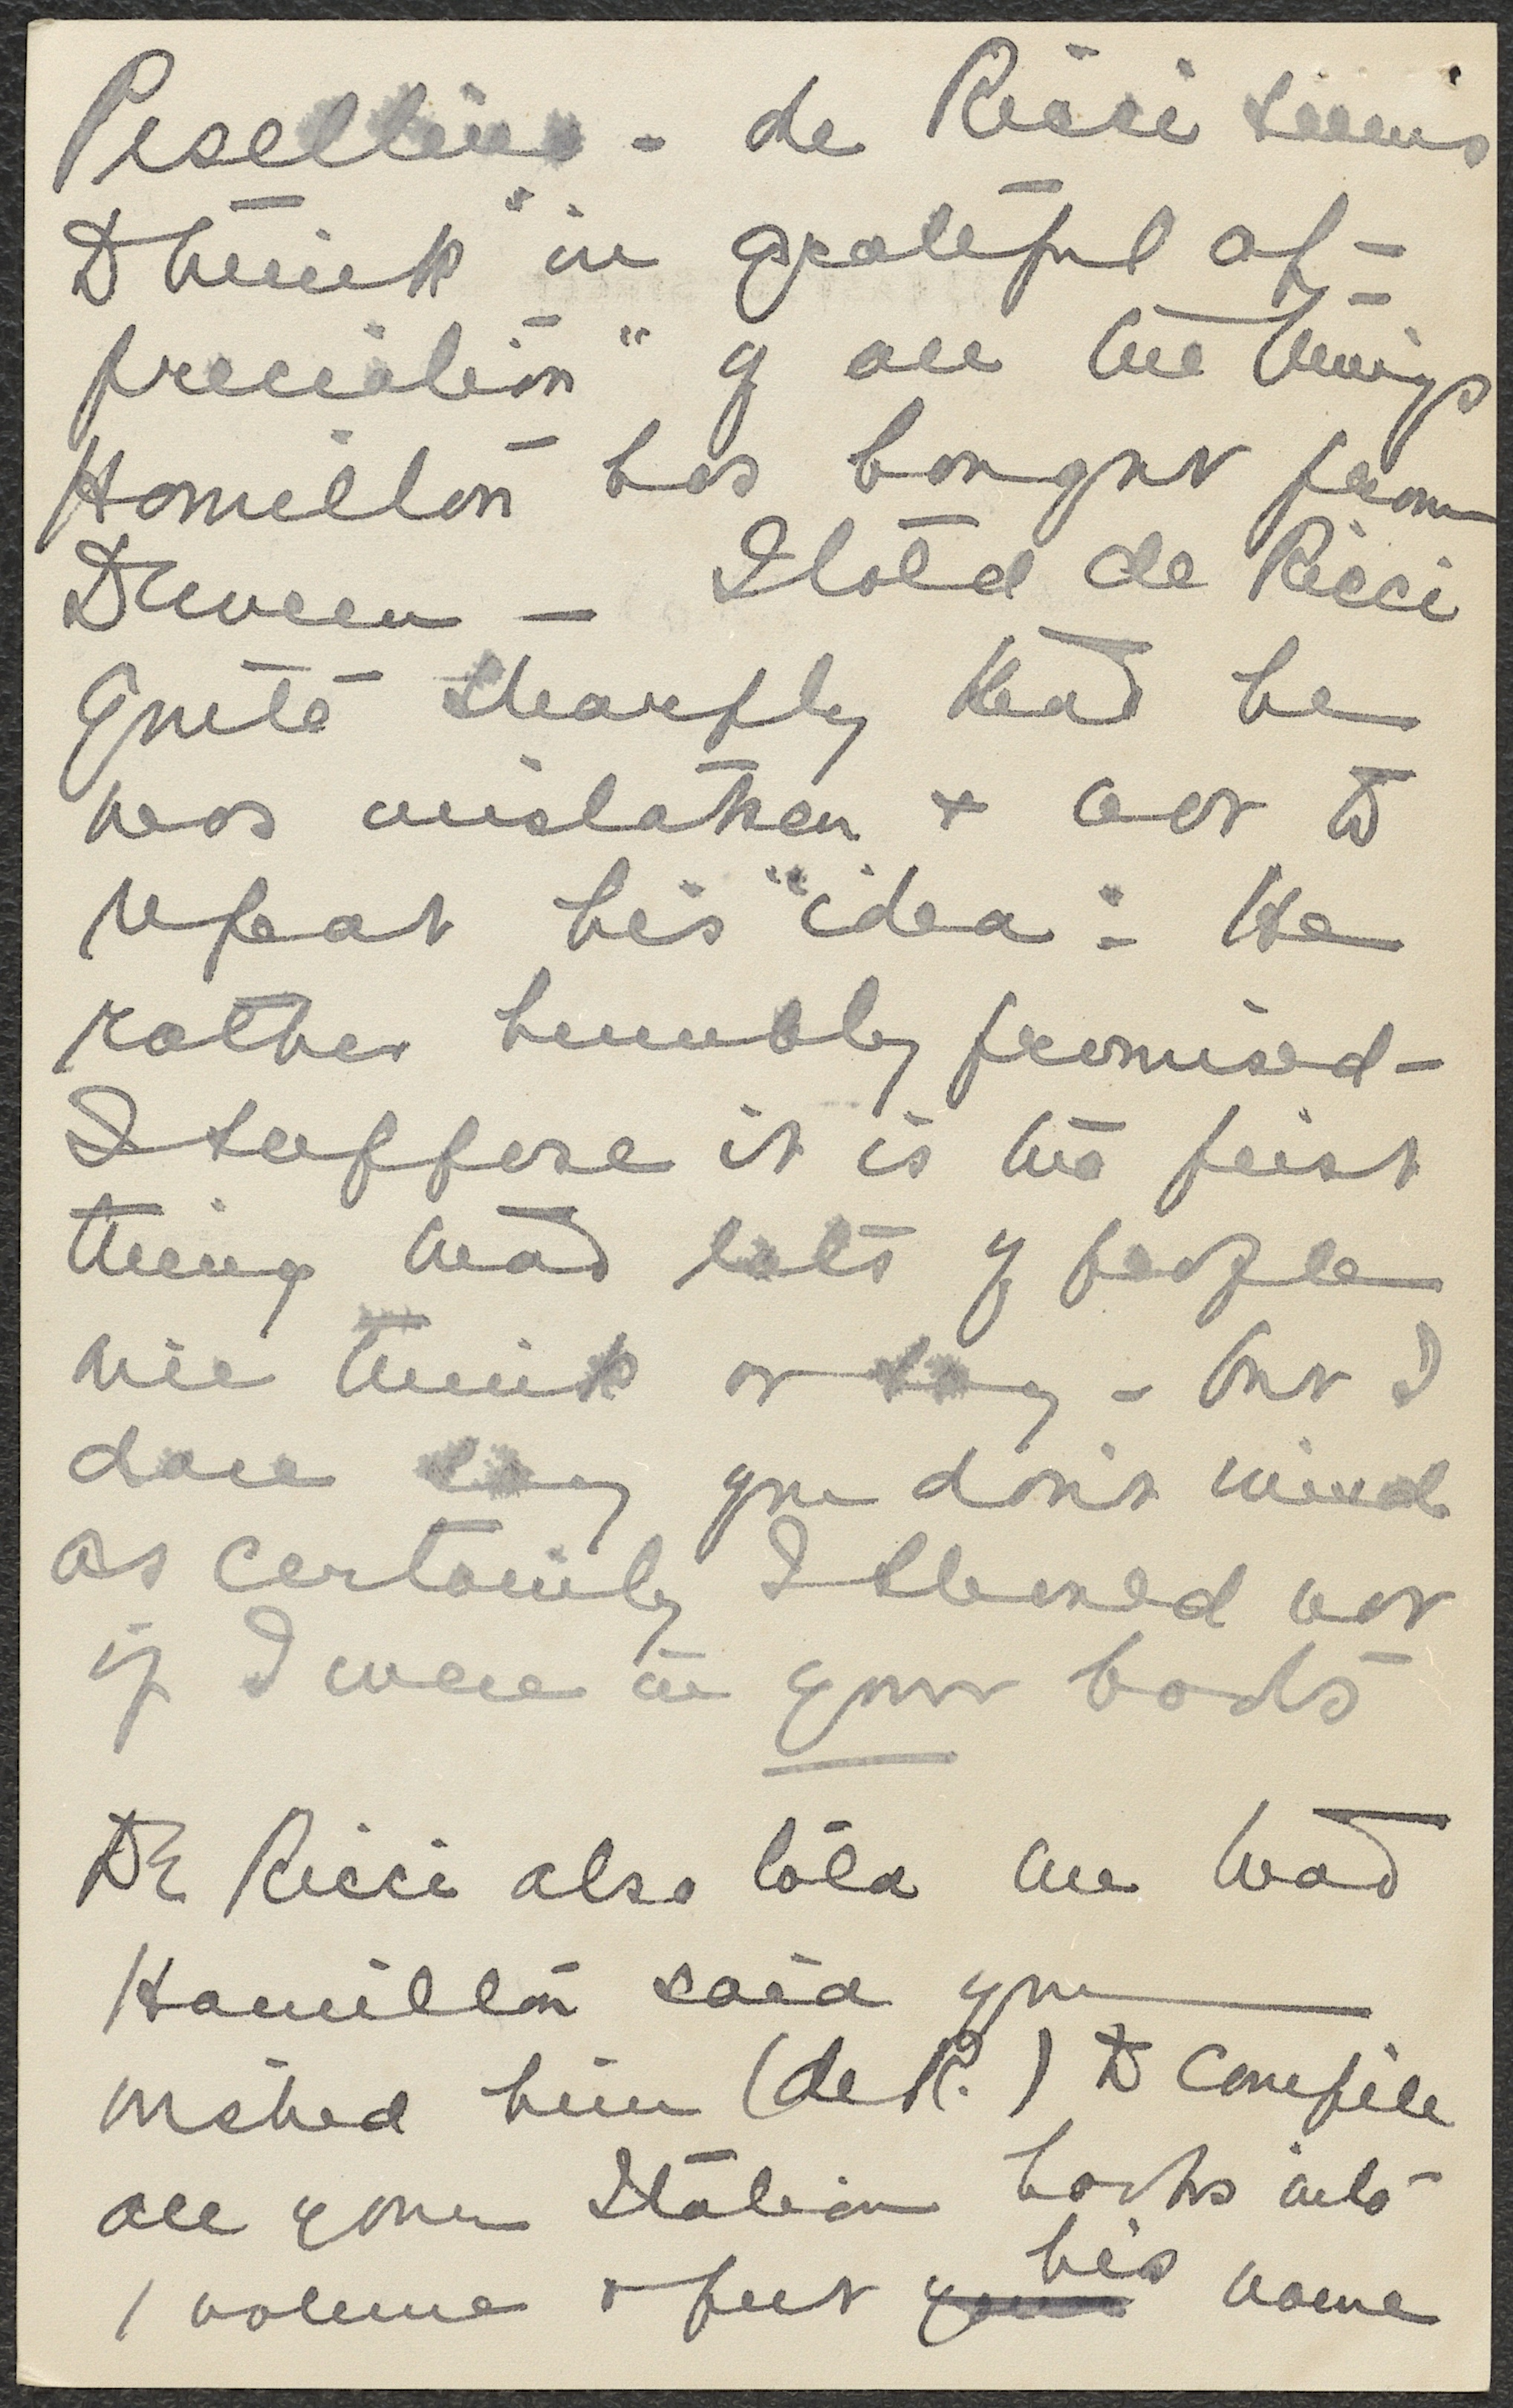Pesellino – de Ricci seems to think "in grateful appreciation" of all the things Hamilton has bought from Duveen – I told de Ricci quite sharply that he was mistaken & not to repeat his "idea" – He rather humbly promised – I suppose it is the first thing that lots of people will think or say – but I dare say you don't mind as certainly I should not if I were in your boots
[different ink]
De Ricci also told me that Hamilton said you wished him (de R.) to compile all your Italian books into 1 volume & put your [^his^] name